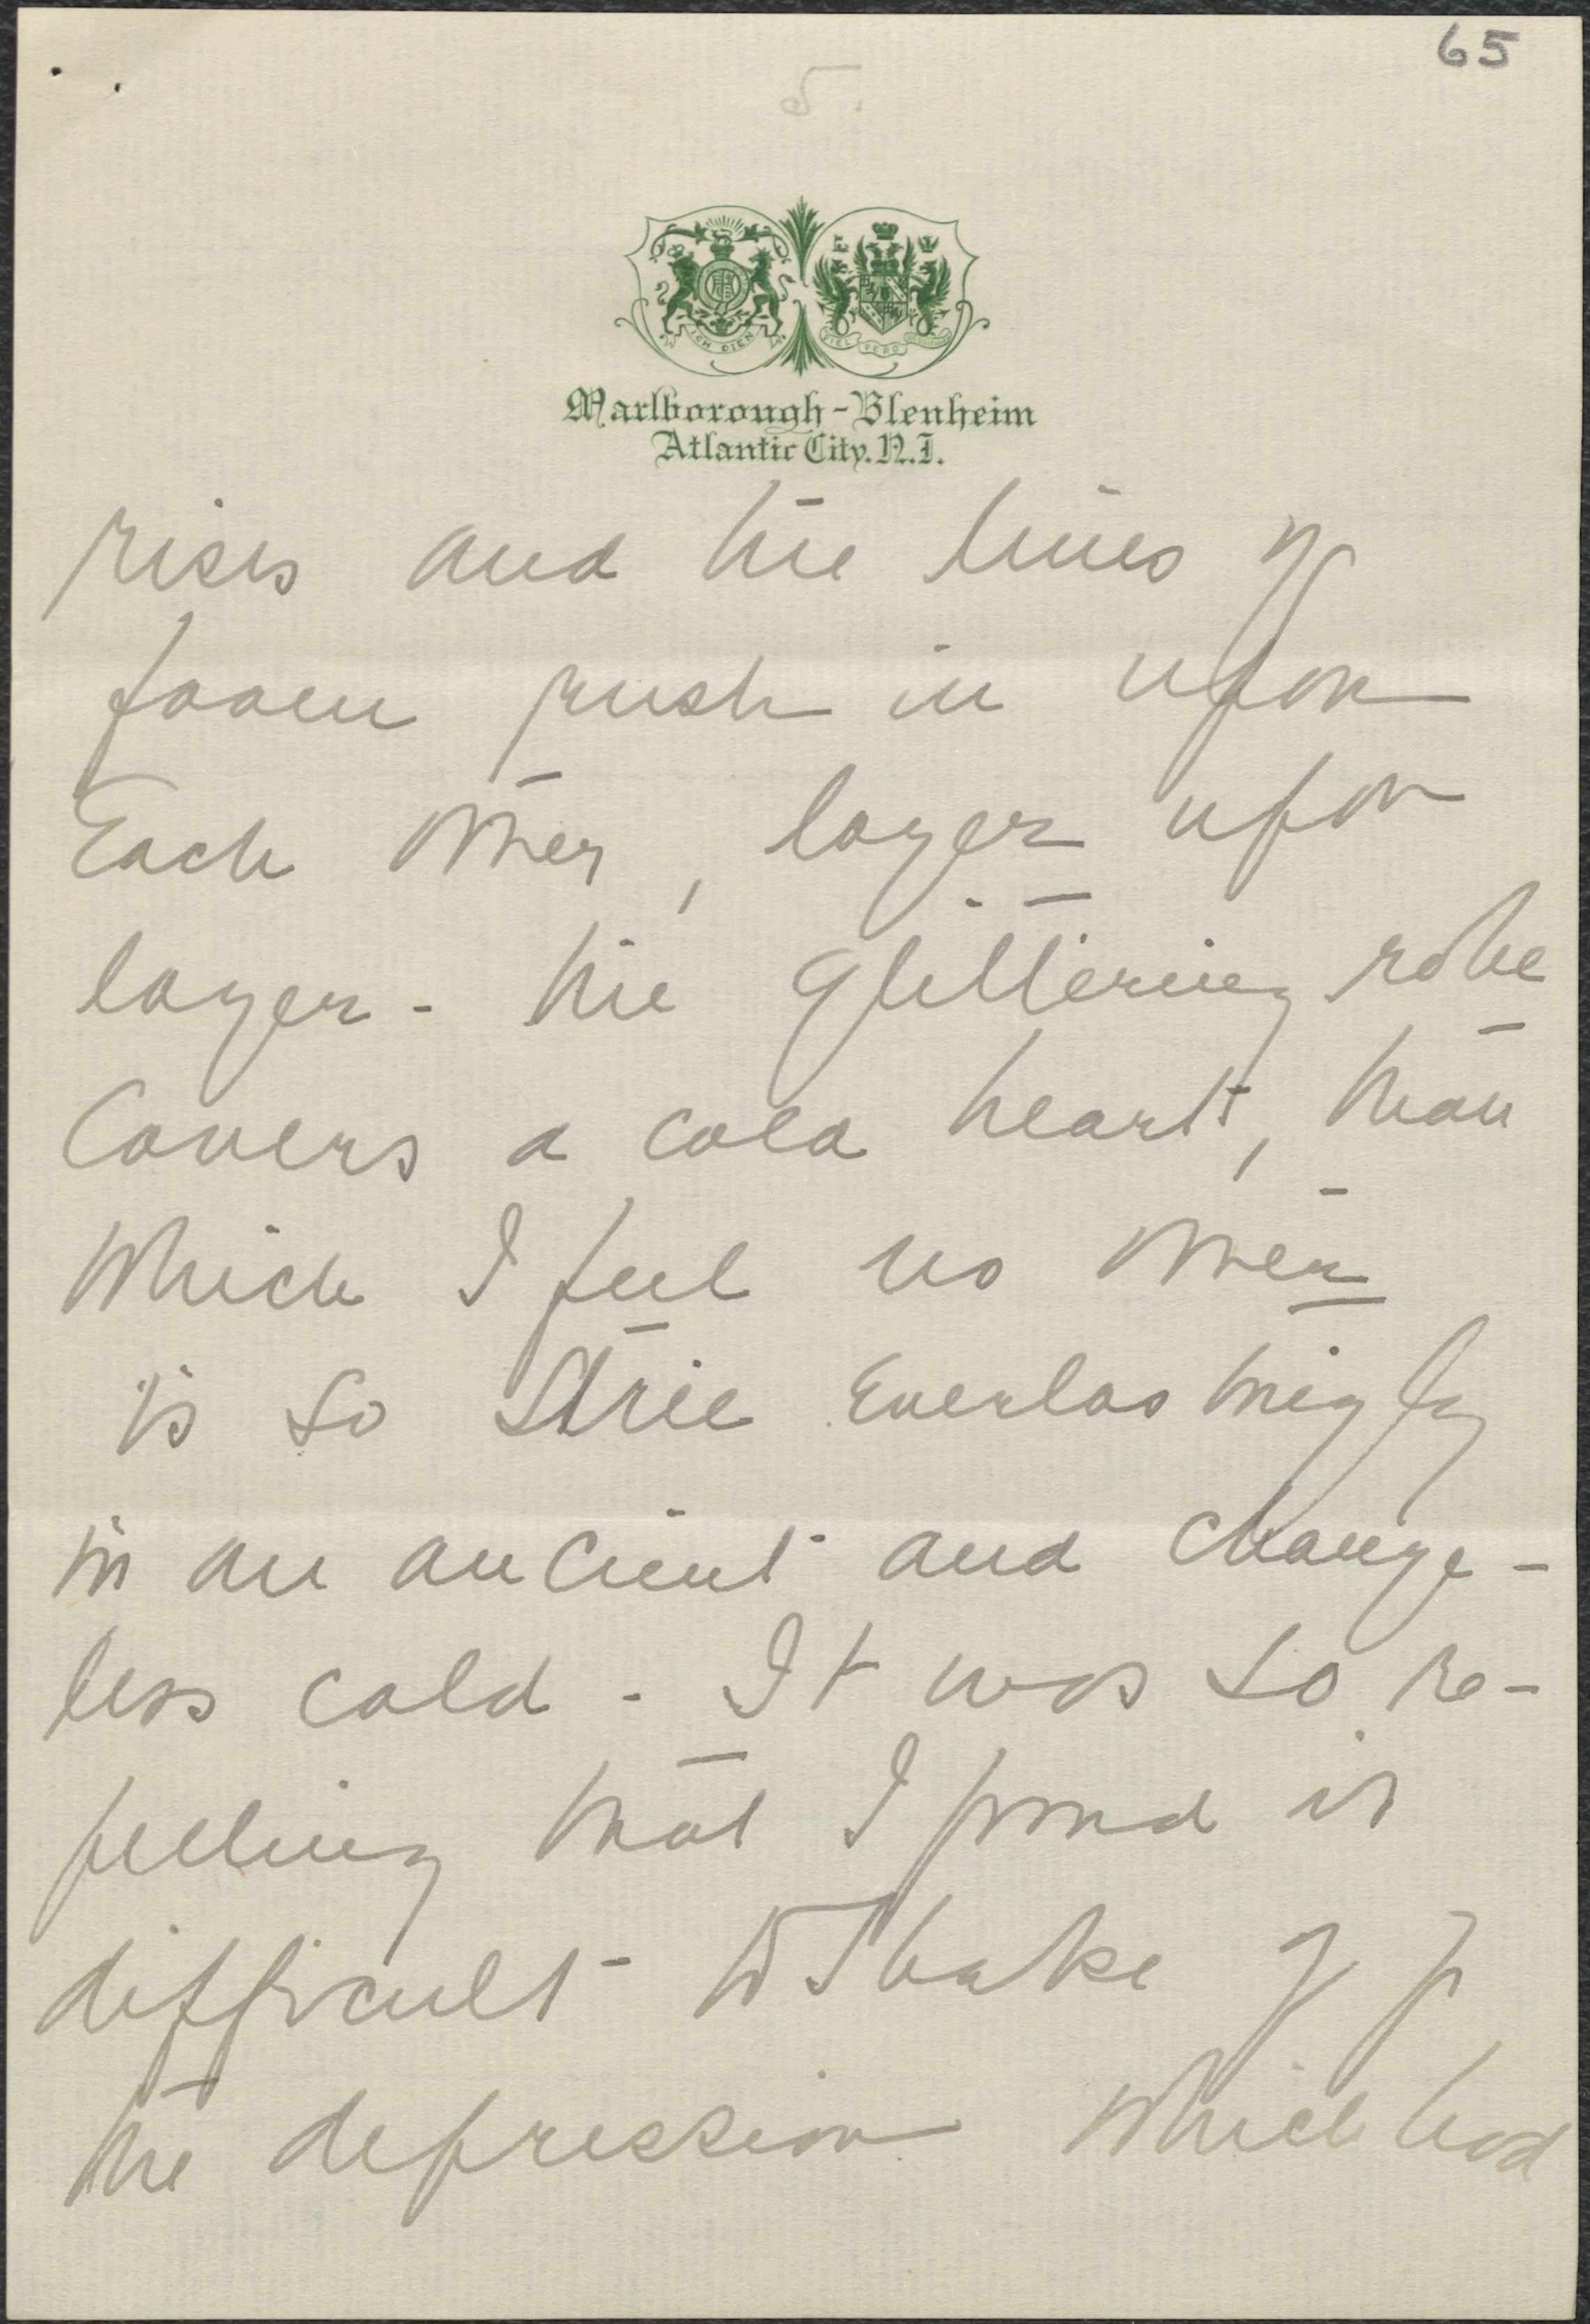5.
rises and the lines of foam rush in upon each other, layer upon layer – the glittering robe covers a cold heart, than which I feel no other is so still everlastingly in an ancient and changeless cold. It was so repelling that I found it difficult to shake off the depression which had